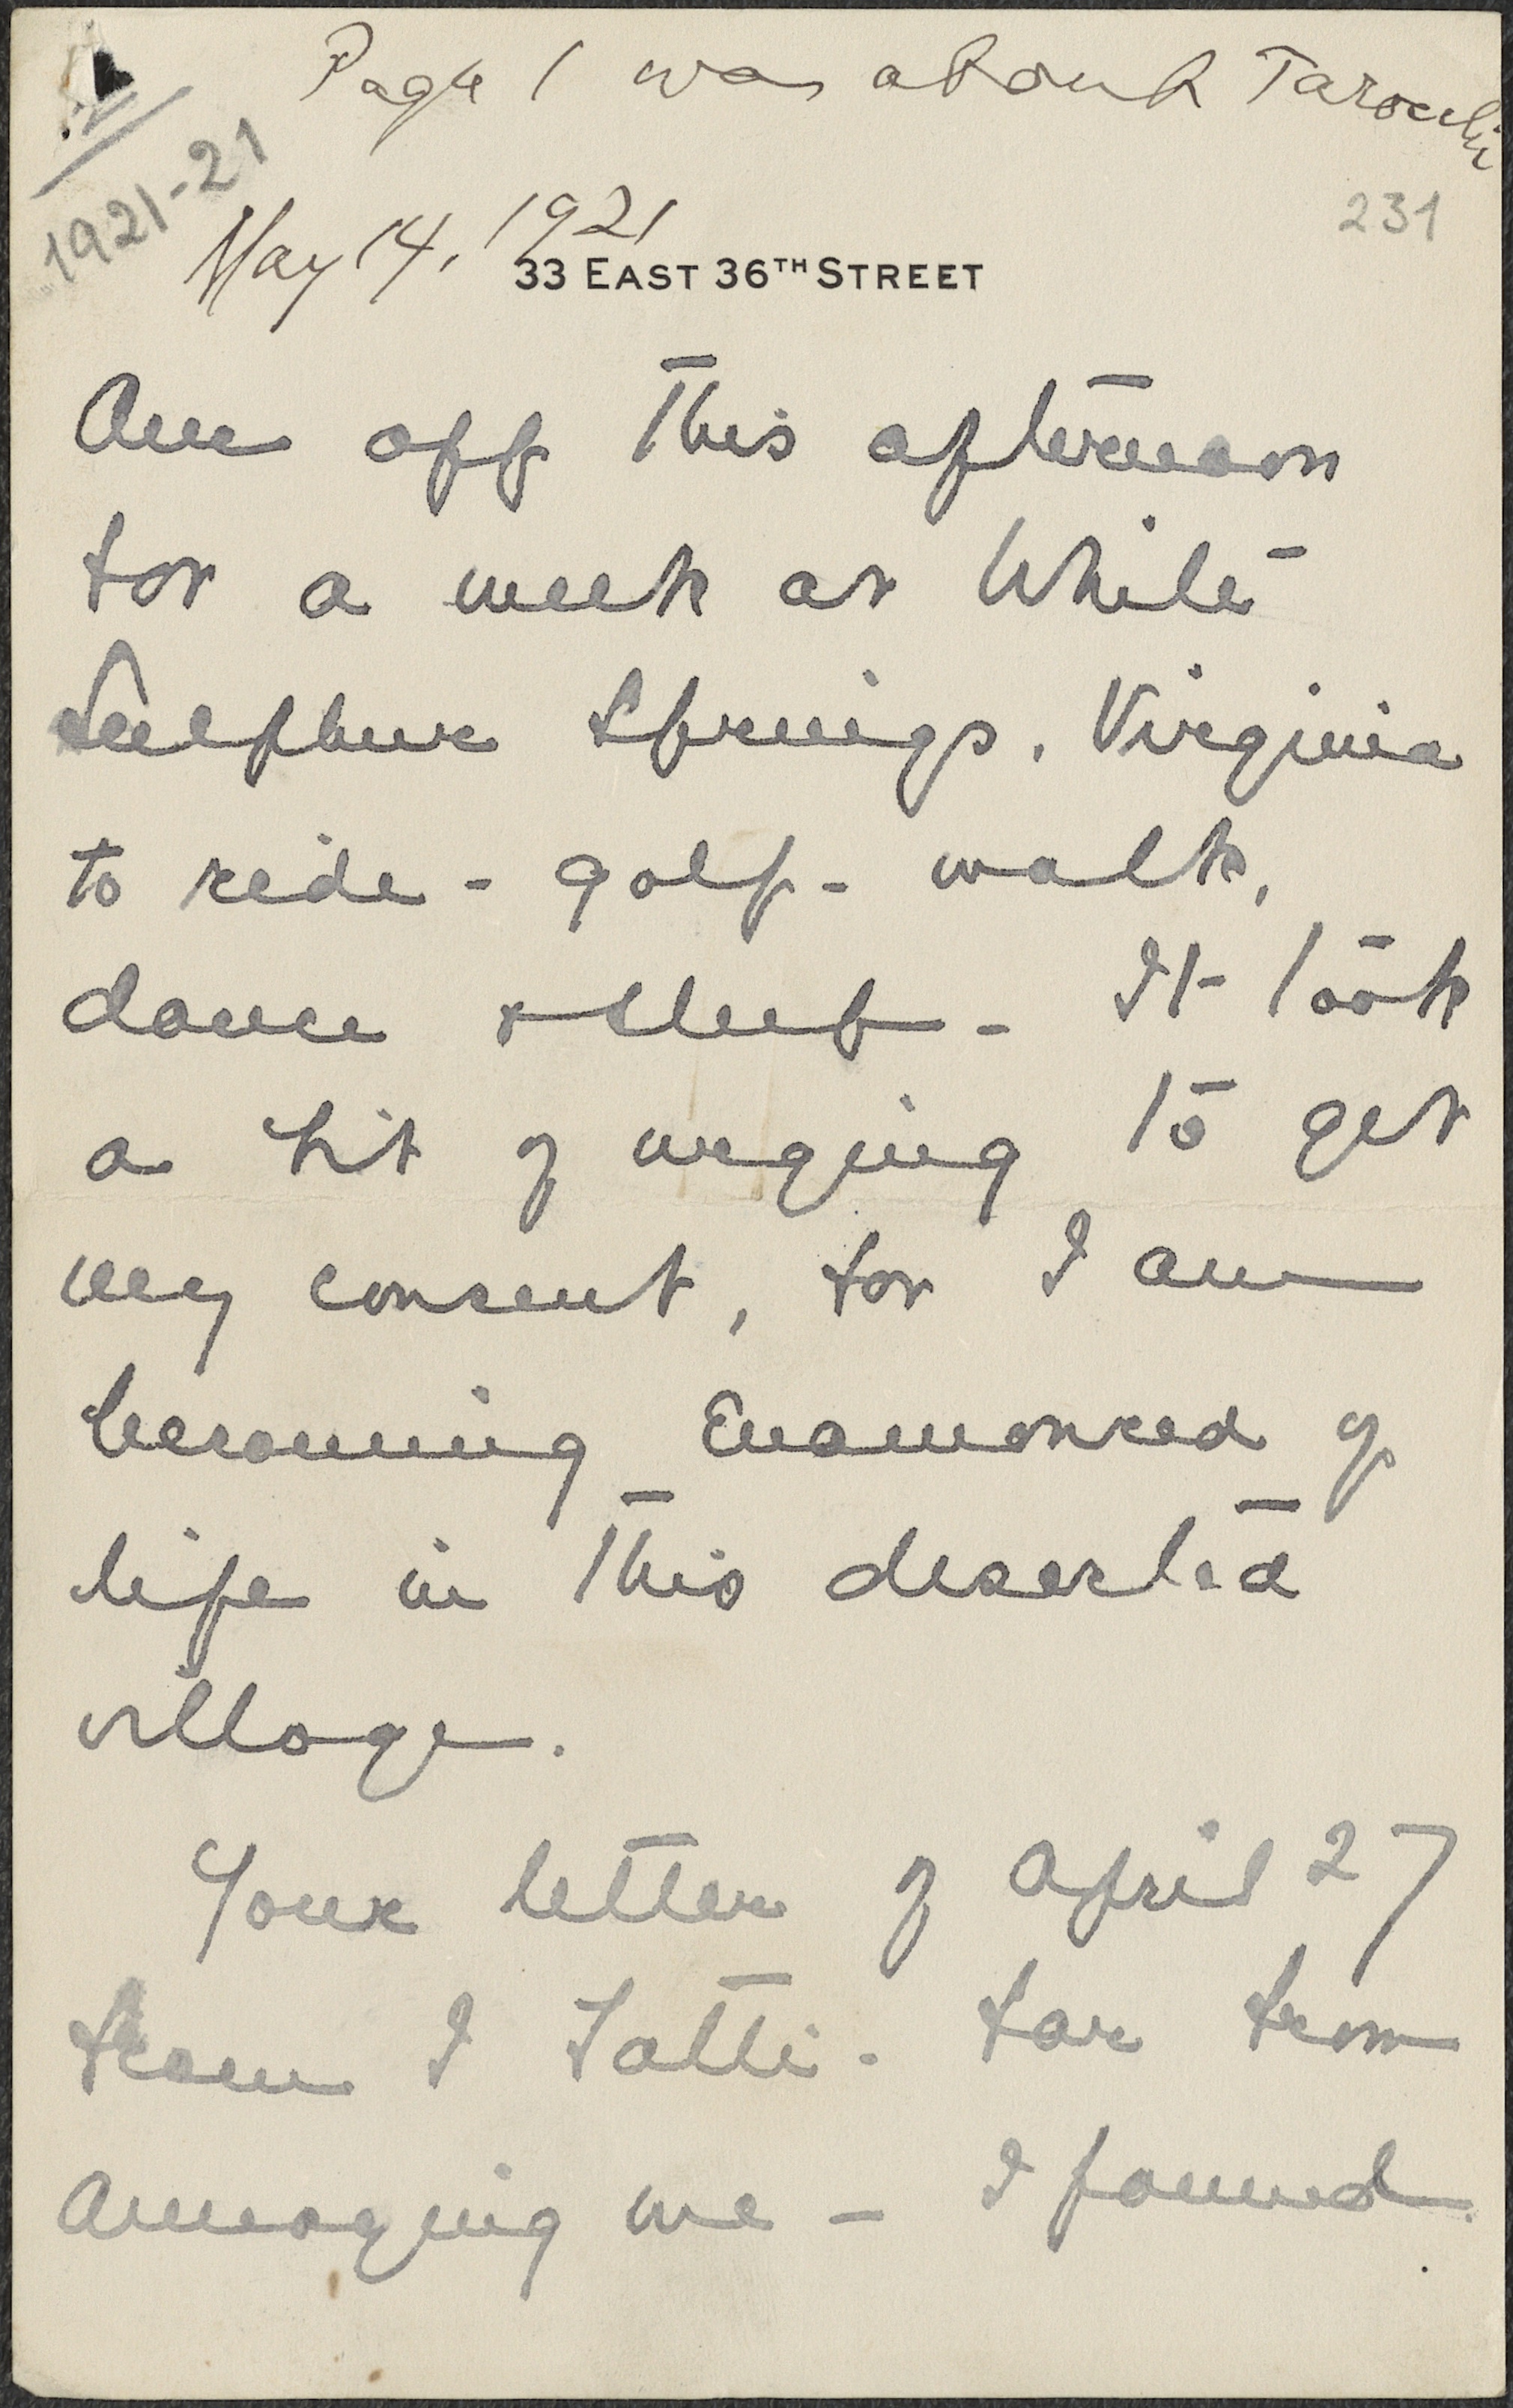Am off this afternoon for a week at White Sulphur Springs, Virginia to ride – golf – walk, dance & sleep – It took a bit of urging to get my consent, for I am becoming enamoured of life in this deserted village.
Your letter of April 27 from I Tatti – far from annoying me – I found